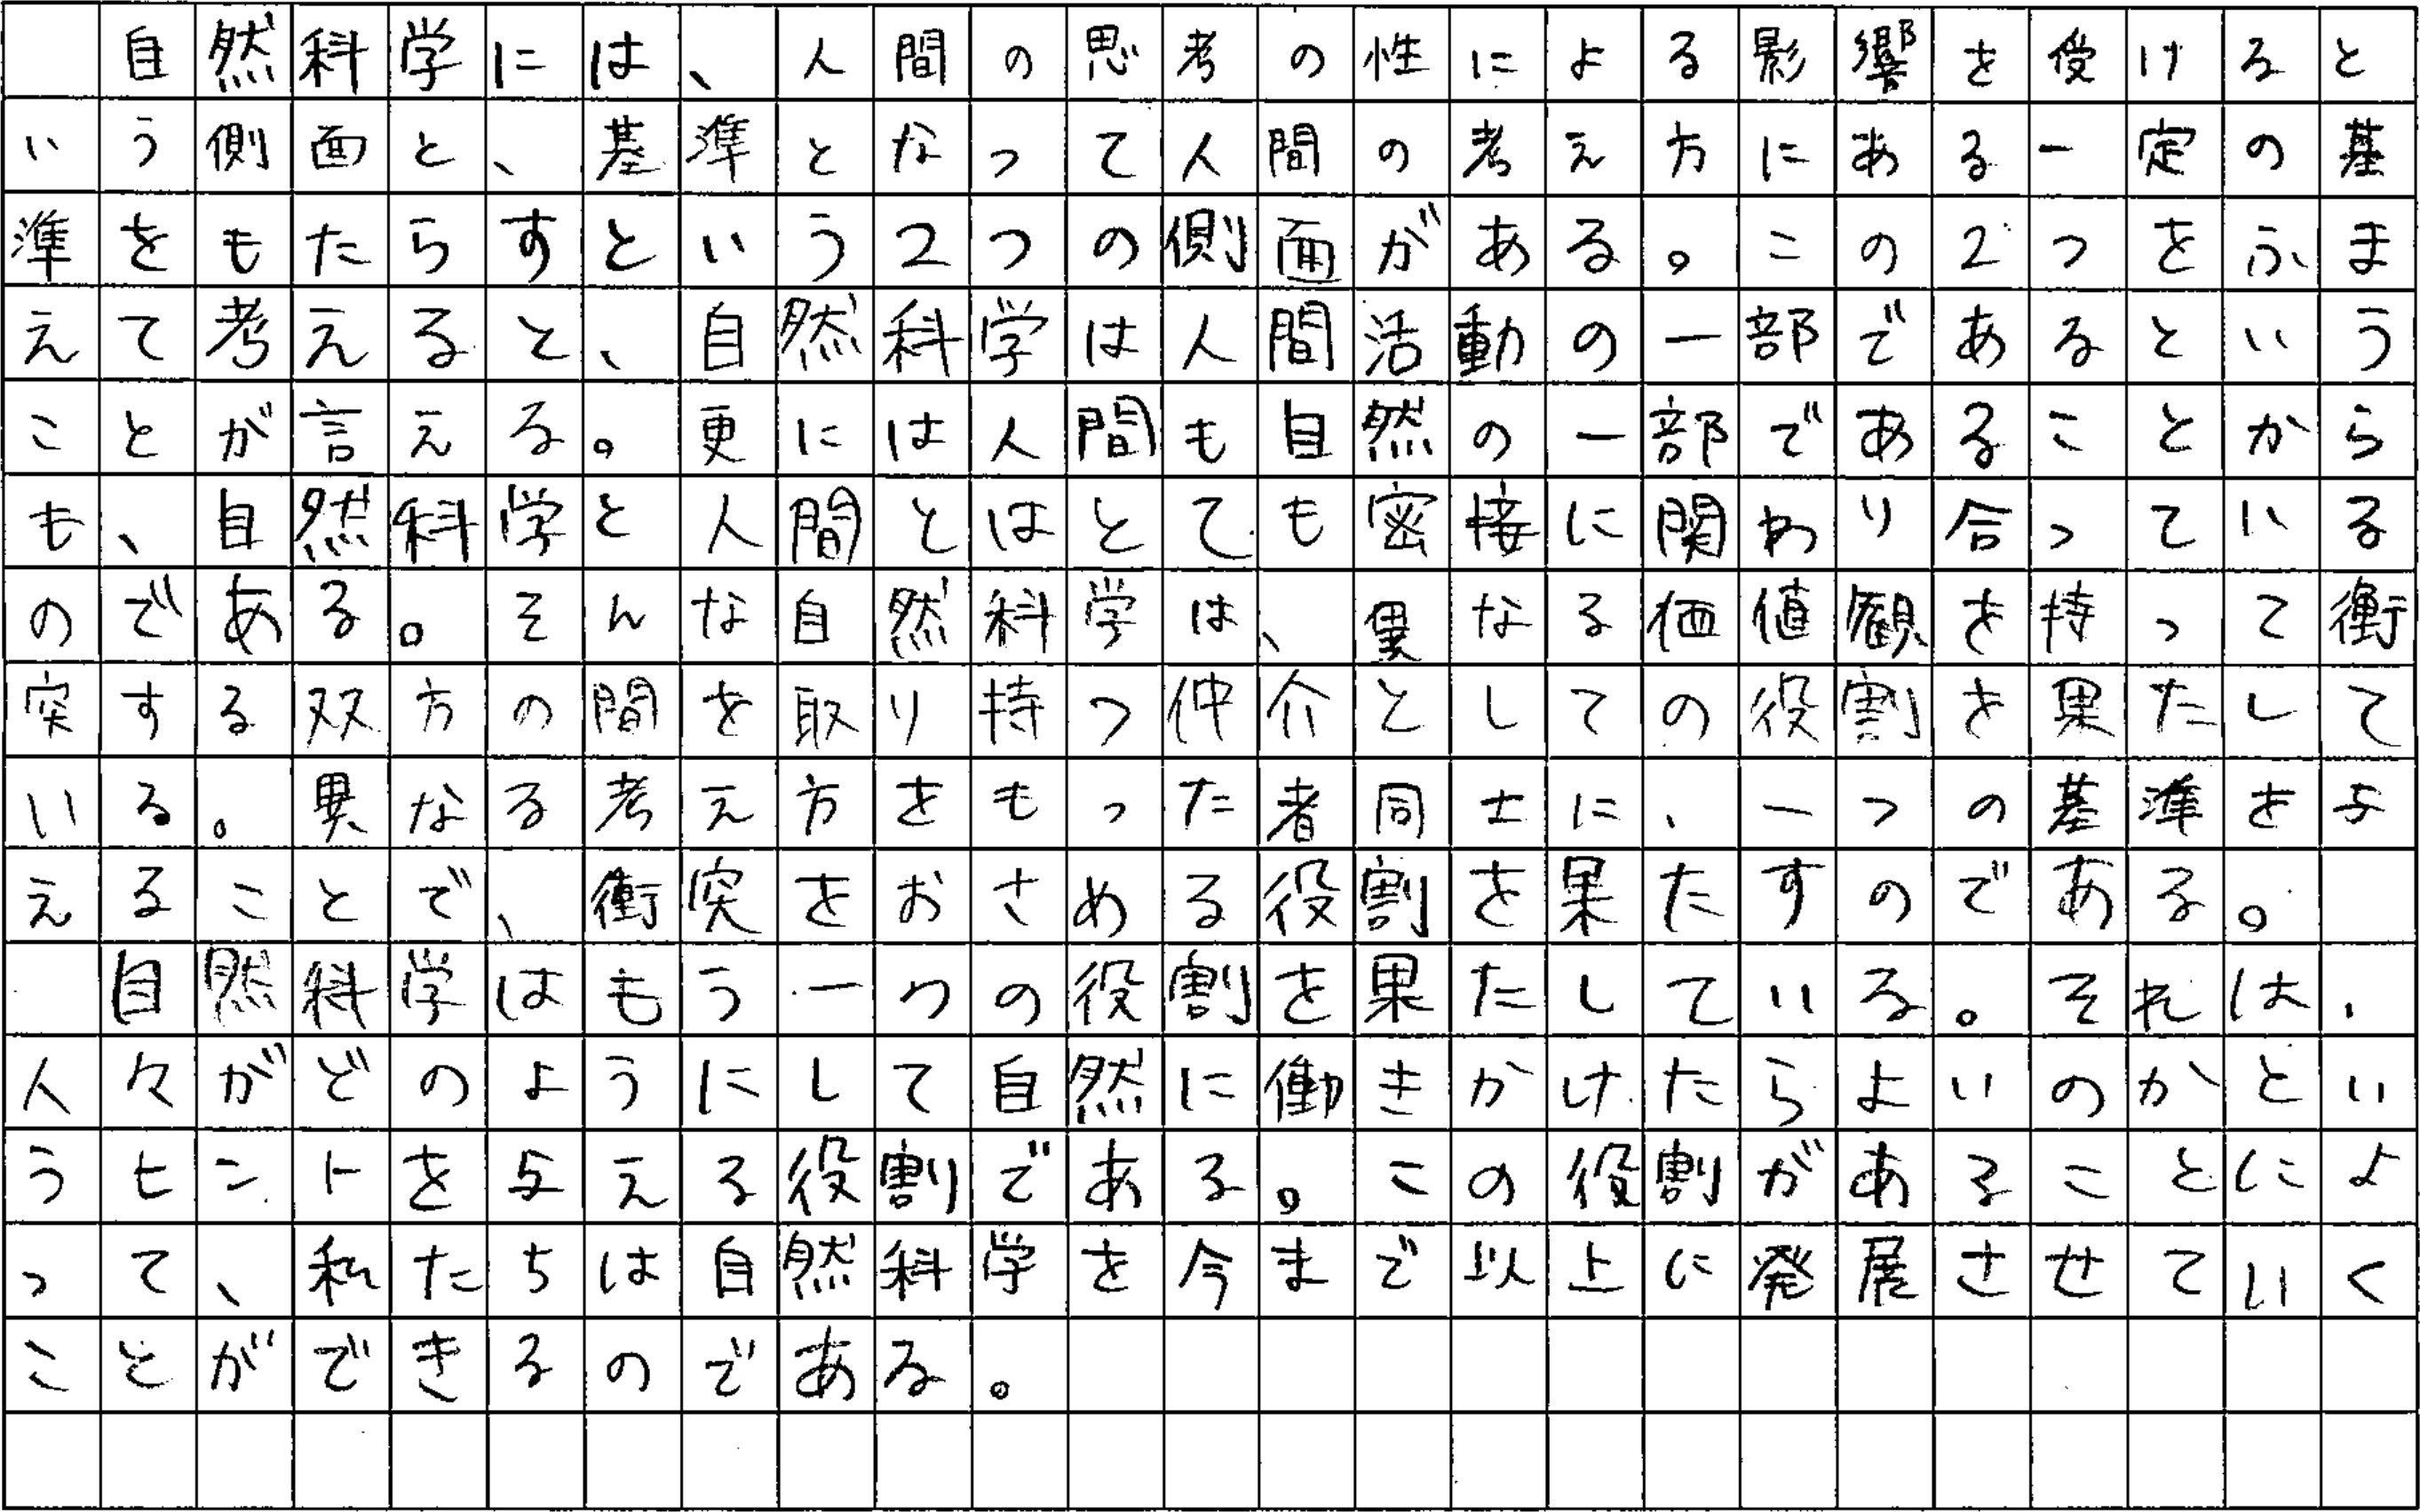　自然科学には、人間の思考の性による影響を受けるという側面と、基準となって人間の考え方にある一定の基準をもたらすという２つの側面がある。この２つをふまえて考えると、自然科学は人間活動の一部であるということが言える。更には人間も自然の一部であることからも、自然科学と人間とはとても密接に関わり合っているのである。そんな自然科学は、異なる価値観を持って衝突する双方の間を取り持つ仲介としての役割を果たしている。異なる考え方をもったもの同士に、一つの基準を与えることで、衝突をおさめる役割を果たすのである。
　自然科学はもう一つの役割を果たしている。それは、人々がどのようにして自然に働きかけたらよいのかというヒントを与える役割である。この役割があることによって、私たちは自然科学を今まで以上に発展させていくことができるのである。
